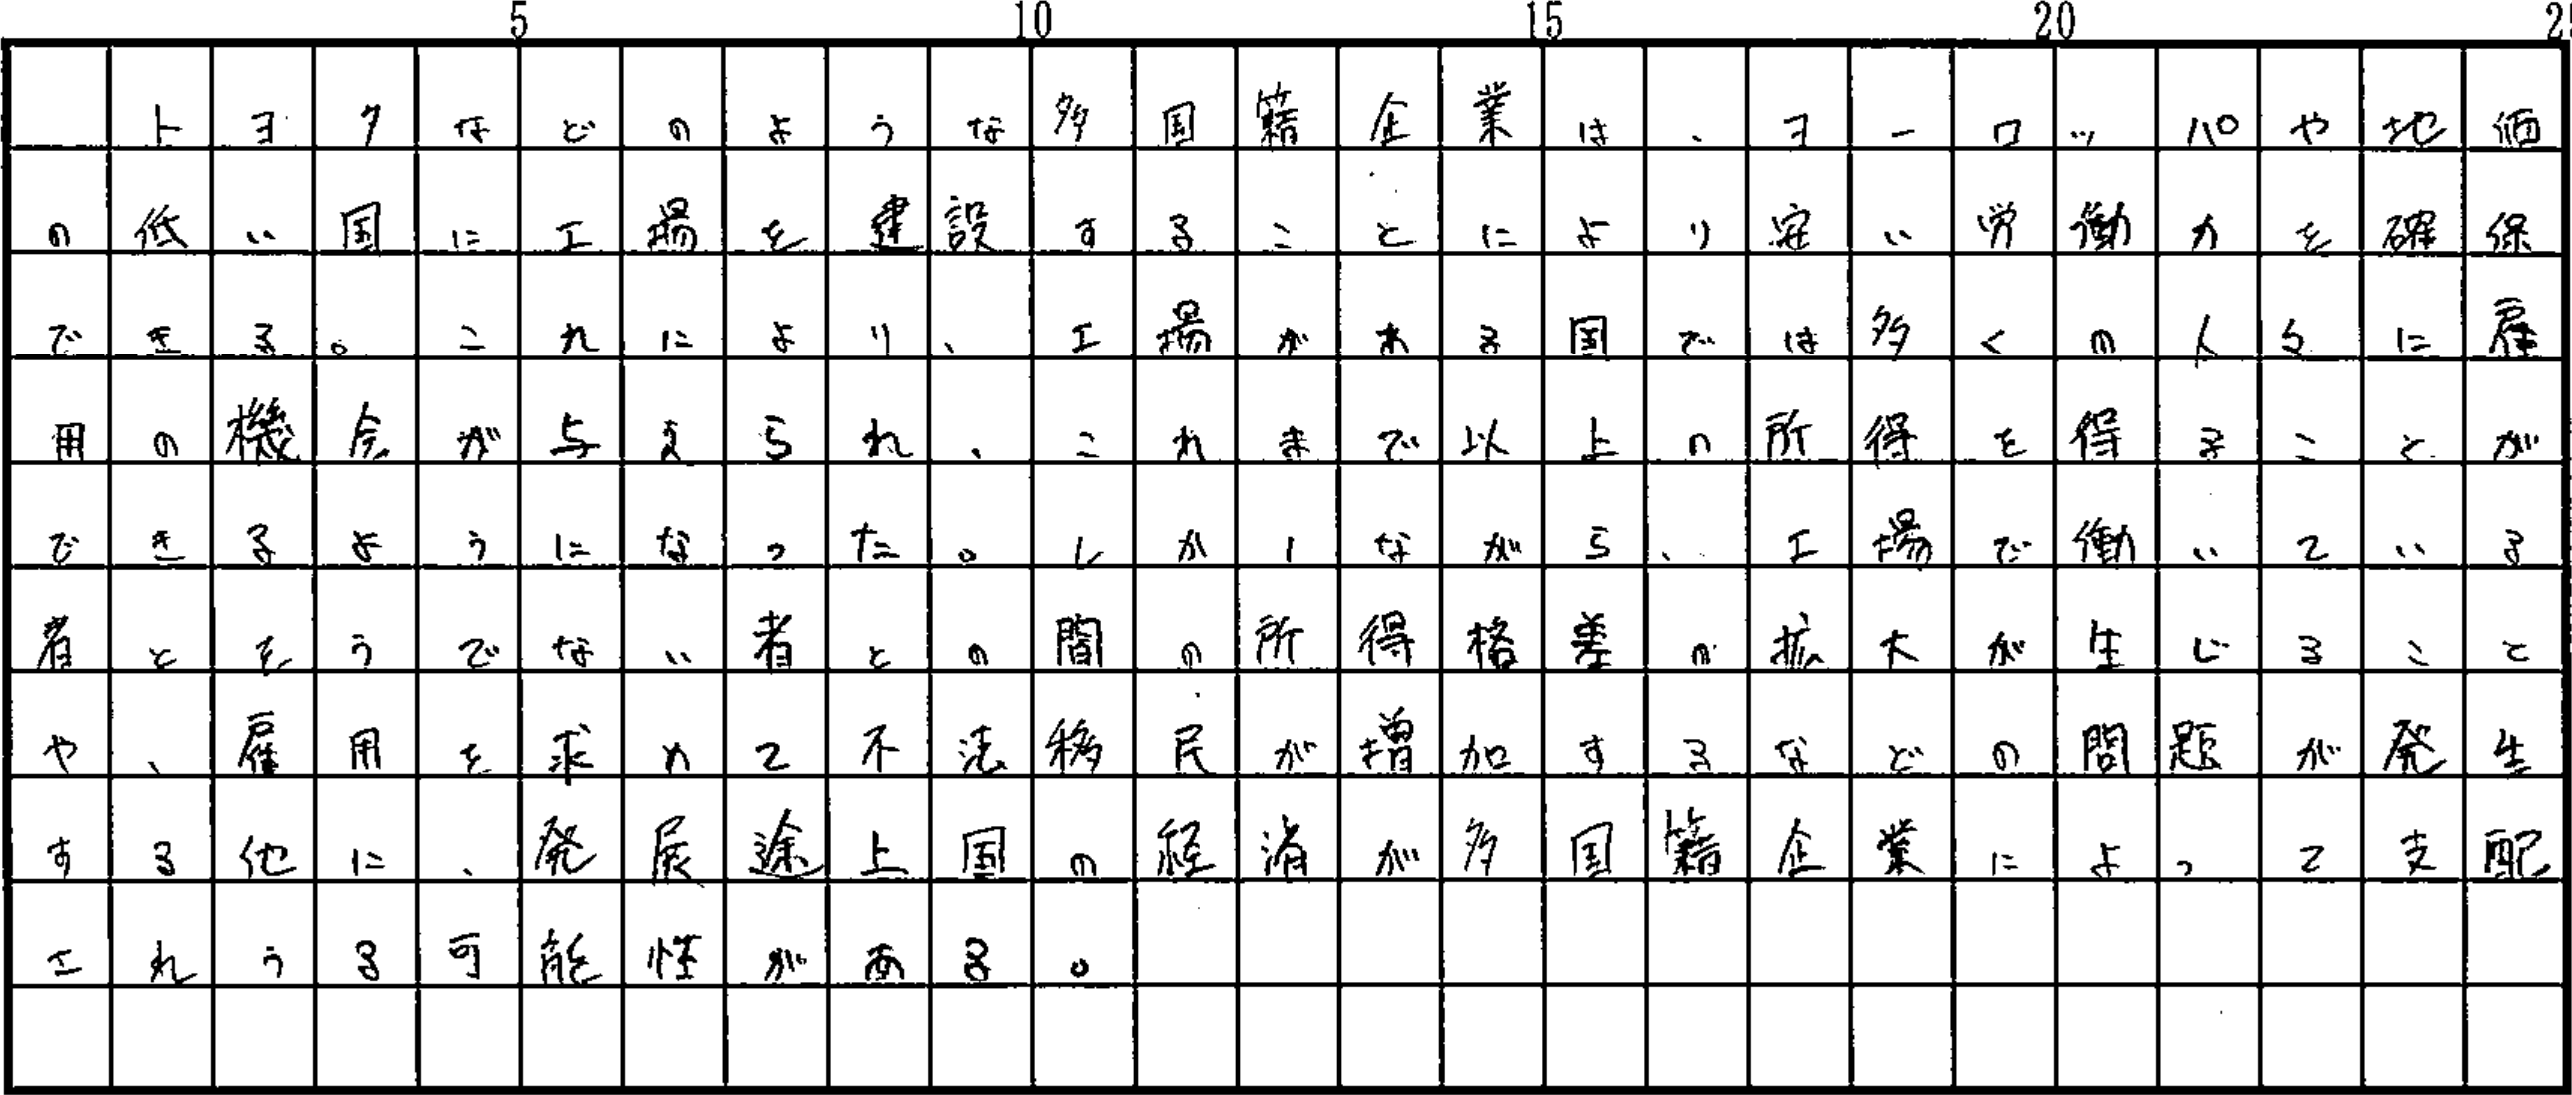　トヨタなどのような多国籍企業は、ヨーロッパや地価の低い国に工場を建設することにより安い労働力を確保できる。これにより、工場がある国では多くの人々に雇用の機会が与えられ、これまで以上の所得を得ることができるようになった。しかしながら、工場で働いている者とそうでない者との間の所得格差の拡大が生じることや、雇用を求めて不法移民が増加するなどの問題が発生する他に、発展途上国の経済が多国籍企業によって支配されうる可能性がある。
